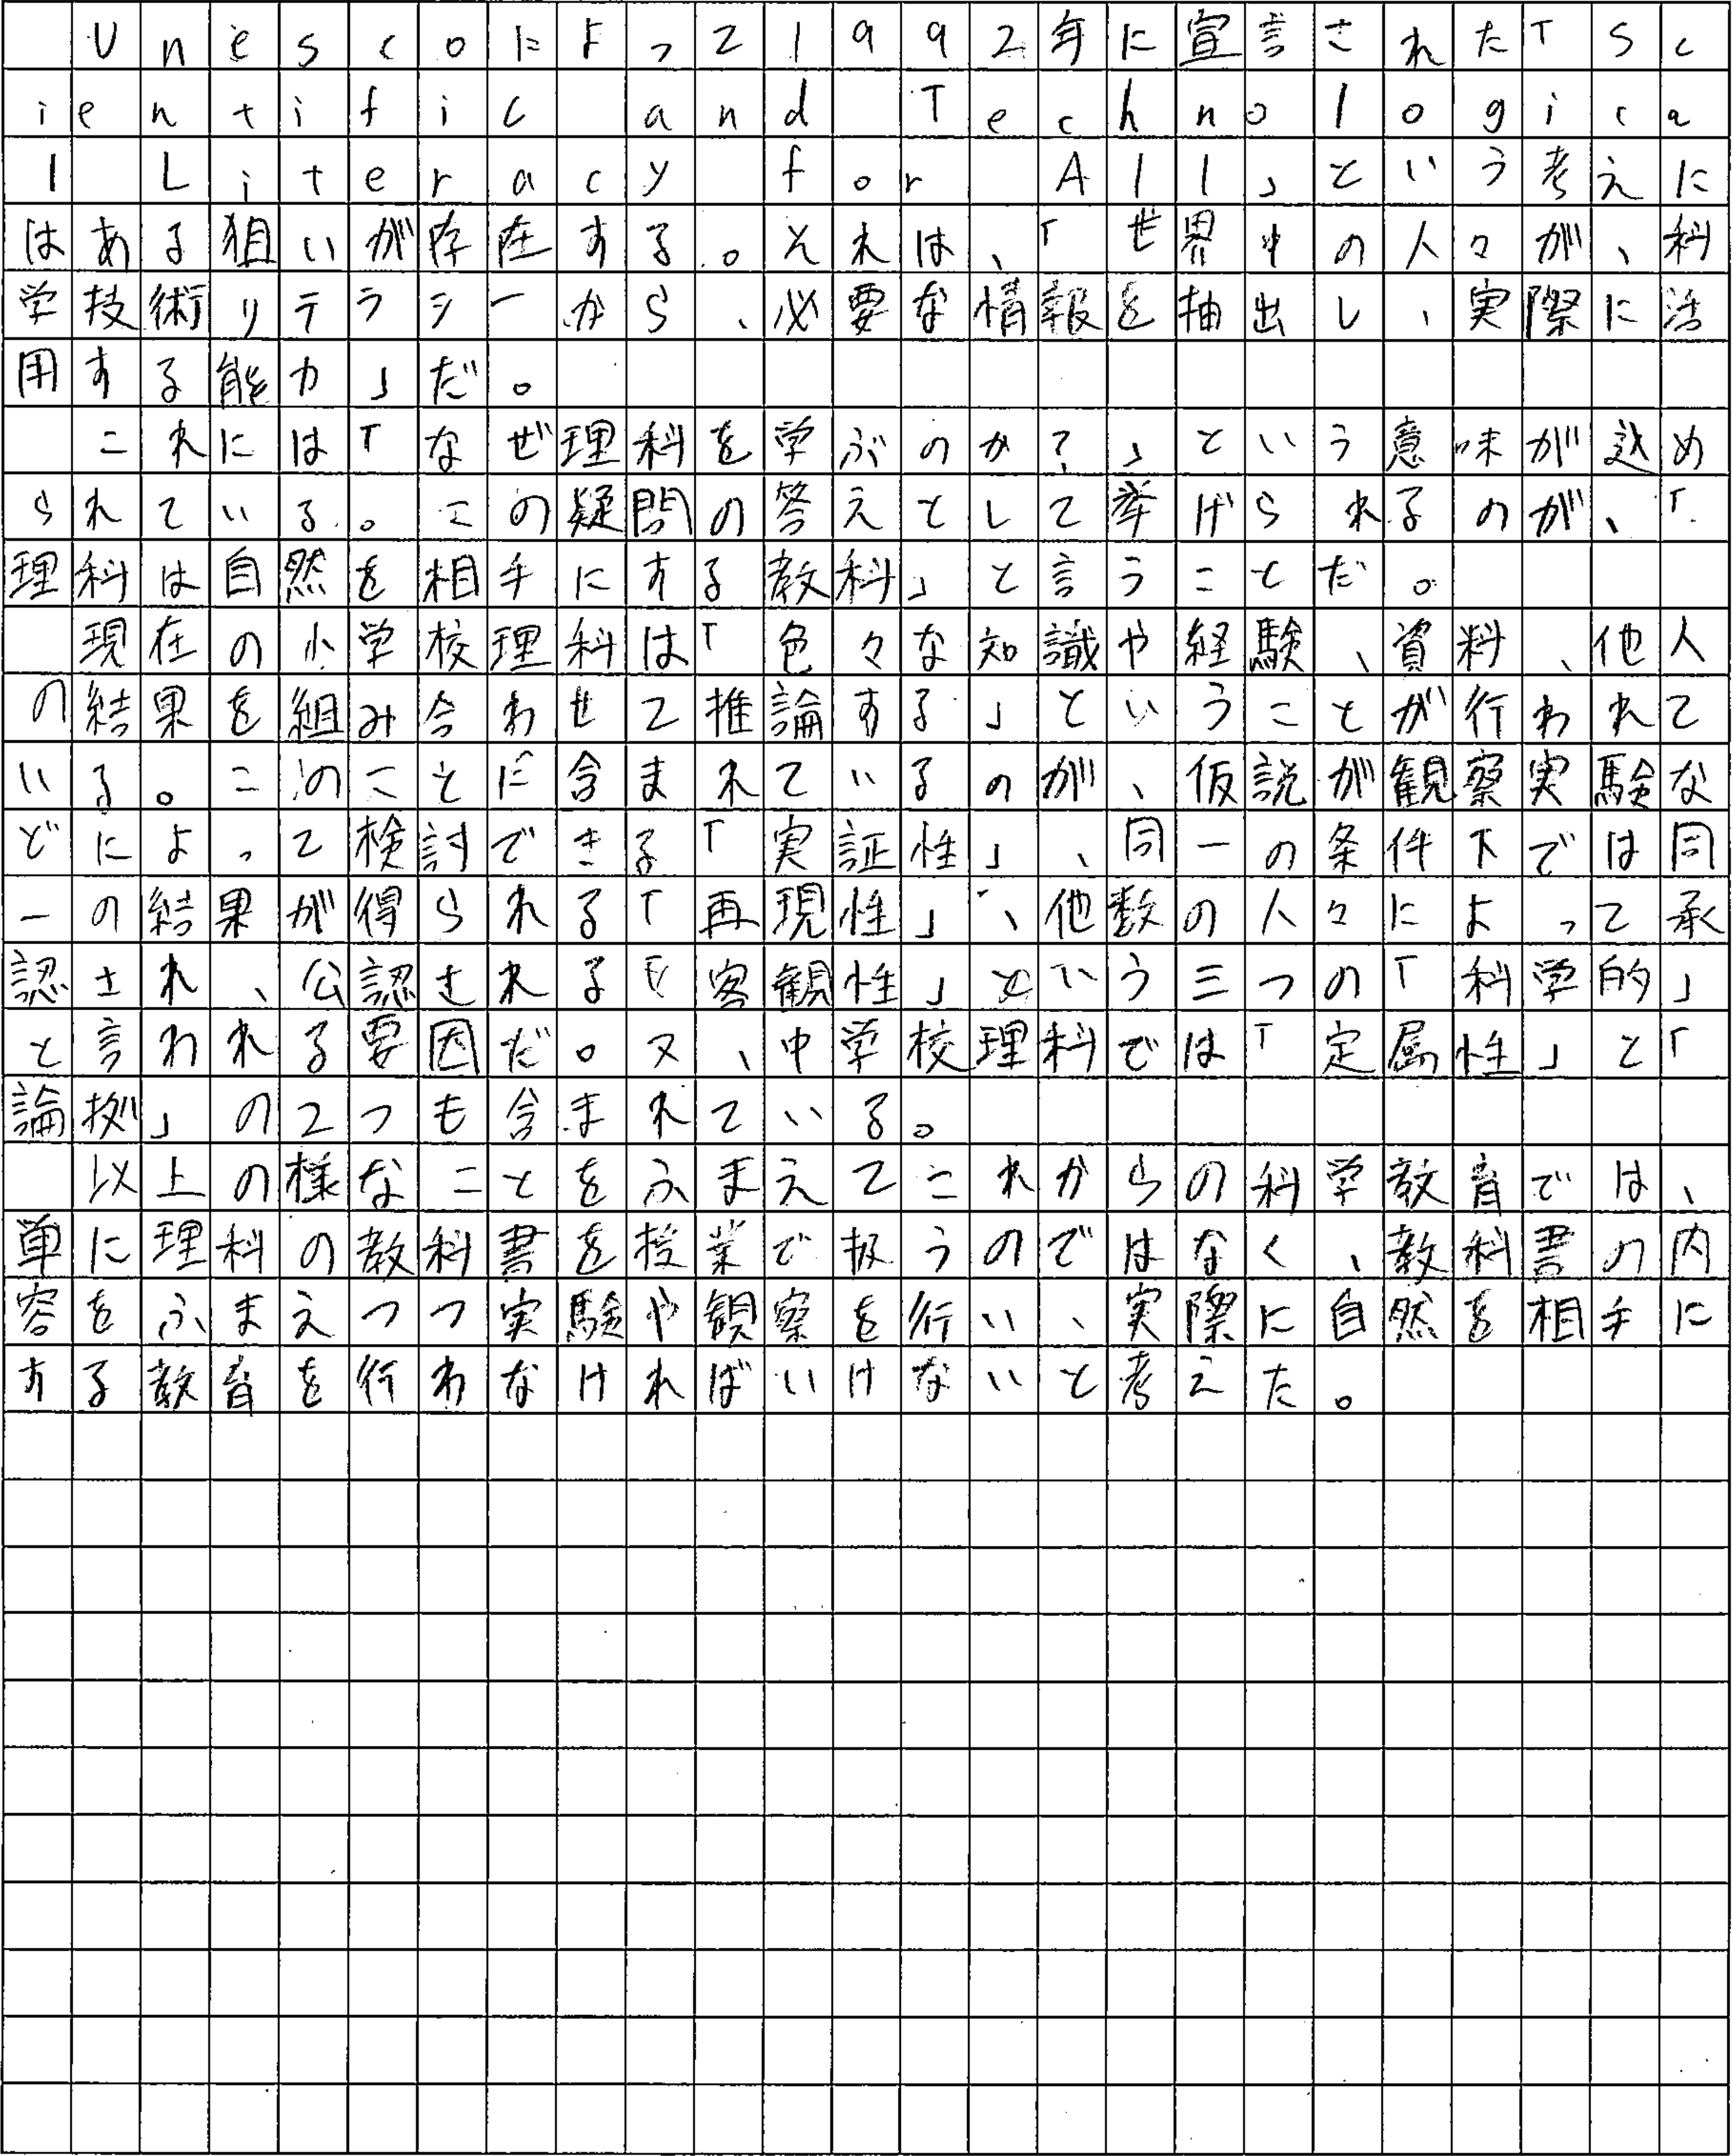　Ｕｎｅｓｃｏによって１９９２年に宣言された「Ｓｃｉｅｎｔｉｆｉｃ　ａｎｄ　Ｔｅｃｈｎｏｌｏｇｉｃａｌ　Ｌｉｔｅｒａｃｙ　ｆｏｒ　Ａｌｌ」という考えにはある狙いが存在する。それは、「世界中の人々が、科学技術リテラシーから、必要な情報を抽出し、実際に活用する能力」だ。
　これには「なぜ理科を学ぶのか？」という意味が込められている。この疑問の答えとして挙げられるのが、「理科は自然を相手にする教科」と言うことだ。
　現在の小学校理科は「色々な知識や経験、資料、他人の結果を組み合わせて推論する」ということが行われている。このことに含まれているのが、仮説が観察実験などによって検討できる「実証性」、同一の条件下では同一の結果が得られる「再現性」、他数の人々によって承認され、公認される「客観性」という三つの「科学的」と言われる要因だ。又、中学校理科では「定属性」と「論拠」の２つも含まれている。
　以上の様なことをふまえてこれからの科学教育では、単に理科の教科書を授業で扱うのではなく、教科書の内容をふまえつつ実験や観察を行い、実際に自然を相手にする教育を行わなければいけないと考えた。
